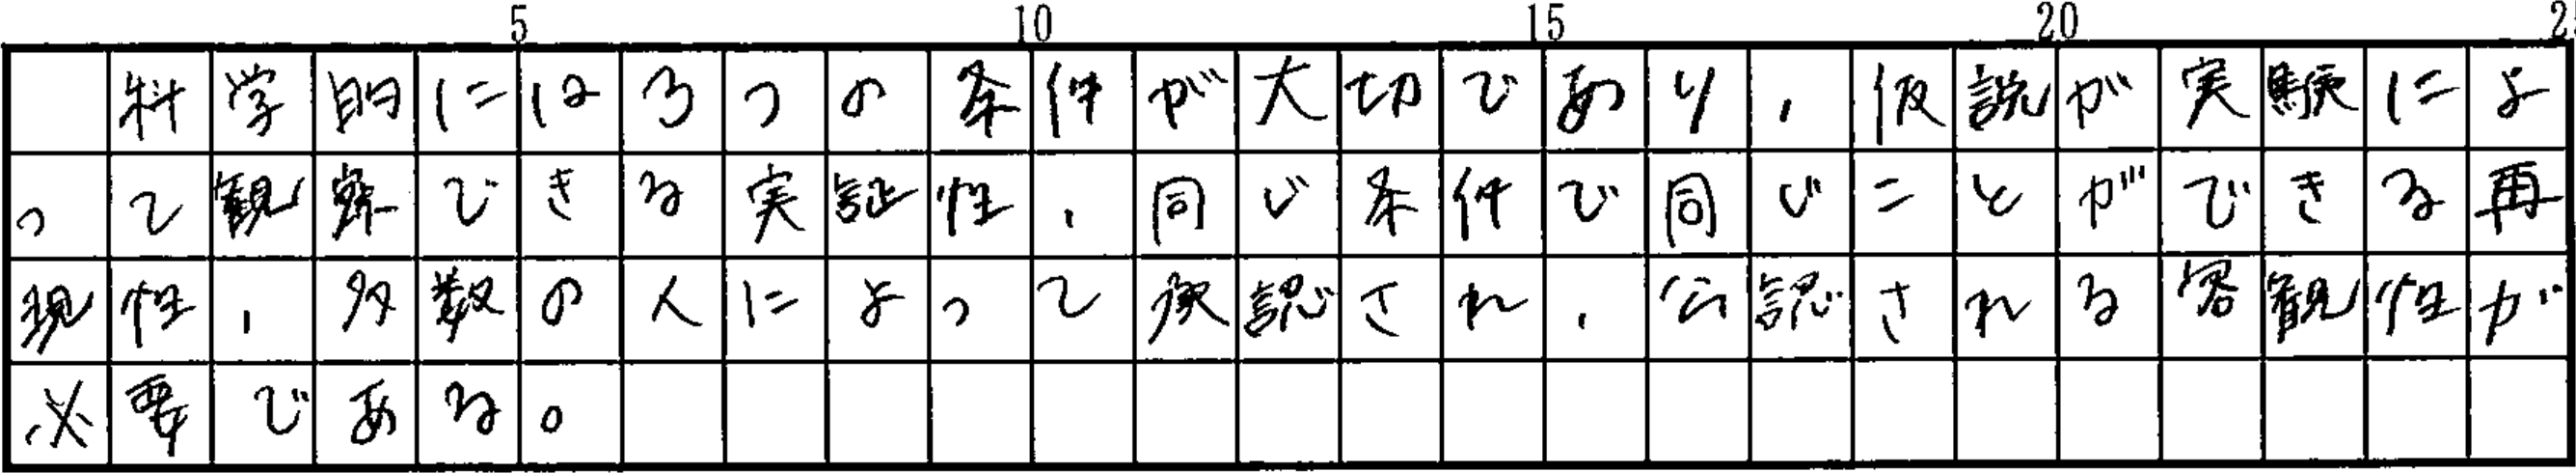　科学的には３つの条件が大切であり、仮説が実験によって観察できる実証性、同じ条件で同じことができる再現性、多数の人によって承認され、公認される客観性が必要である。
